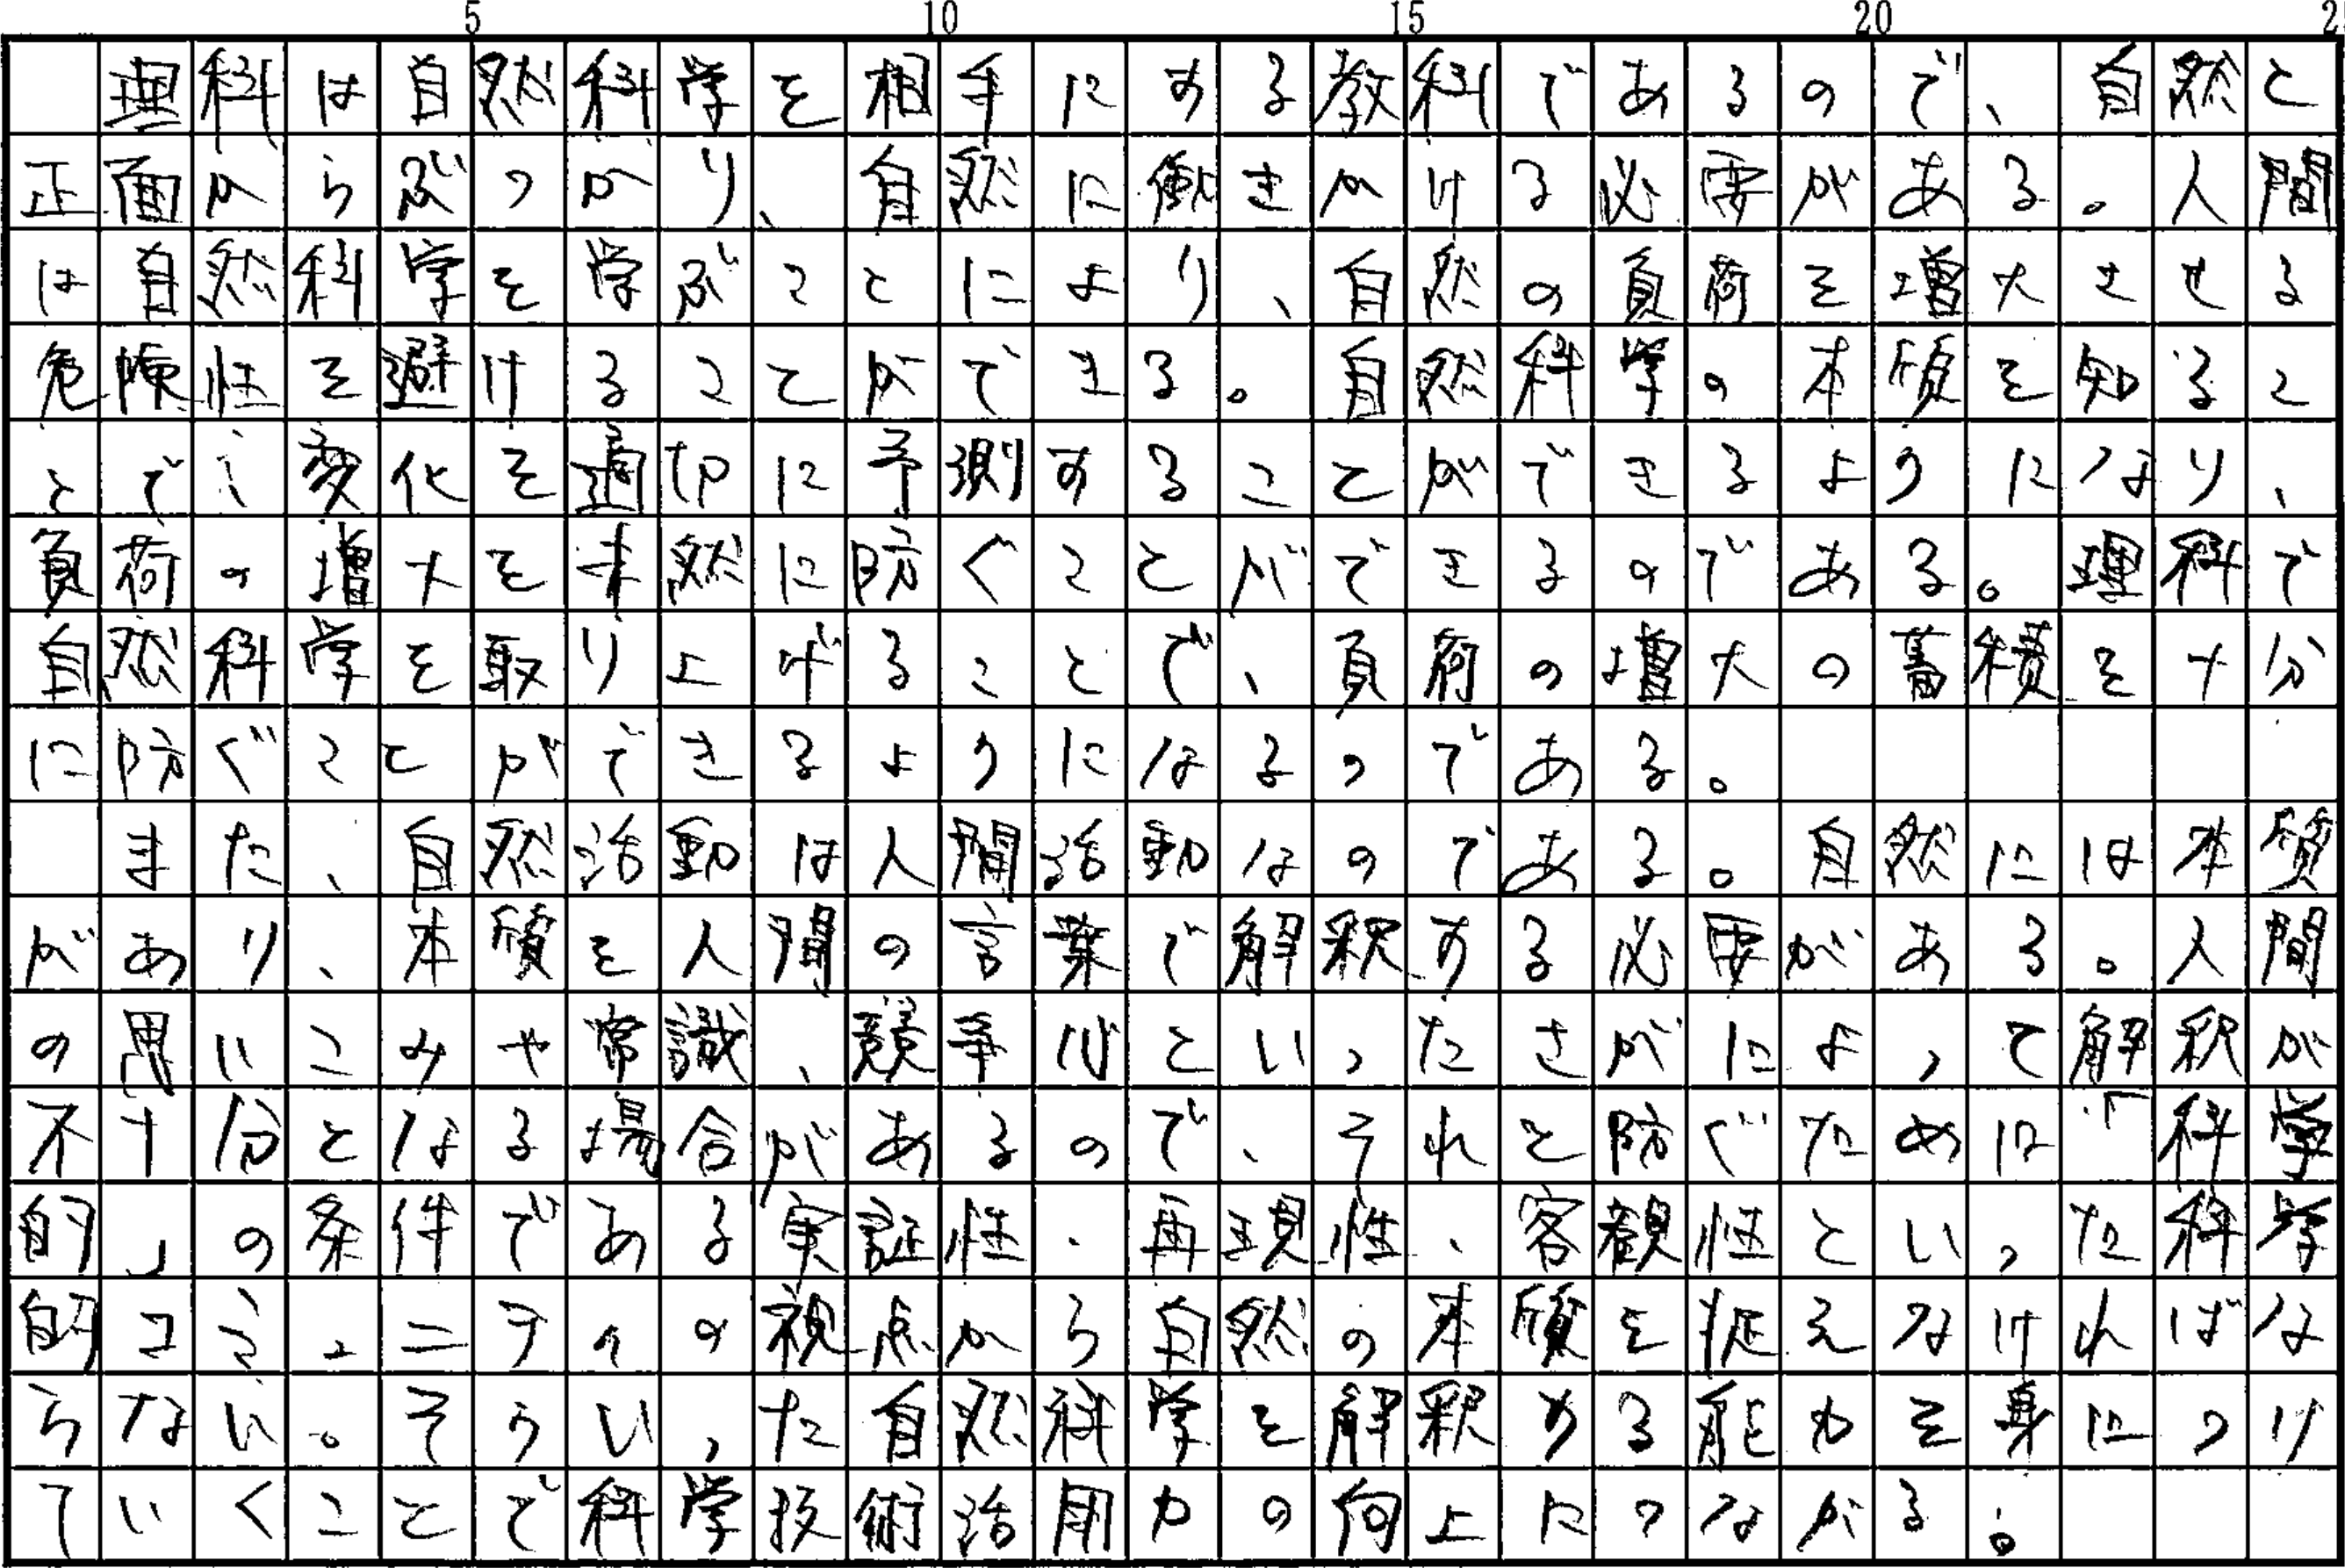　理科は自然科学を相手にする教科であるので、自然と正面からぶつかり、自然に働きかける必要がある。人間は自然科学を学ぶことにより、自然の負荷を増大させる危険性を避けることができる。自然科学の本質を知ることで、変化を適切に予測することができるようになり、負荷の増大を未然に防ぐことができるのである。理科で自然科学を取り上げることで、負荷の増大の蓄積を十分に防ぐことができるようになるのである。
　また、自然活動は人間活動なのである。自然には本質があり、本質を人間の言葉で解釈する必要がある。人間の思いこみや常識、競争心といったさがによって解釈が不十分となる場合があるので、それと防ぐために「科学的」の条件である実証性・再現性・客観性といった科学的コミュニティの視点から自然の本質を捉えなければならない。そういった自然科学を解釈する能力を身につけていくことで科学技術活用力の向上につながる。
